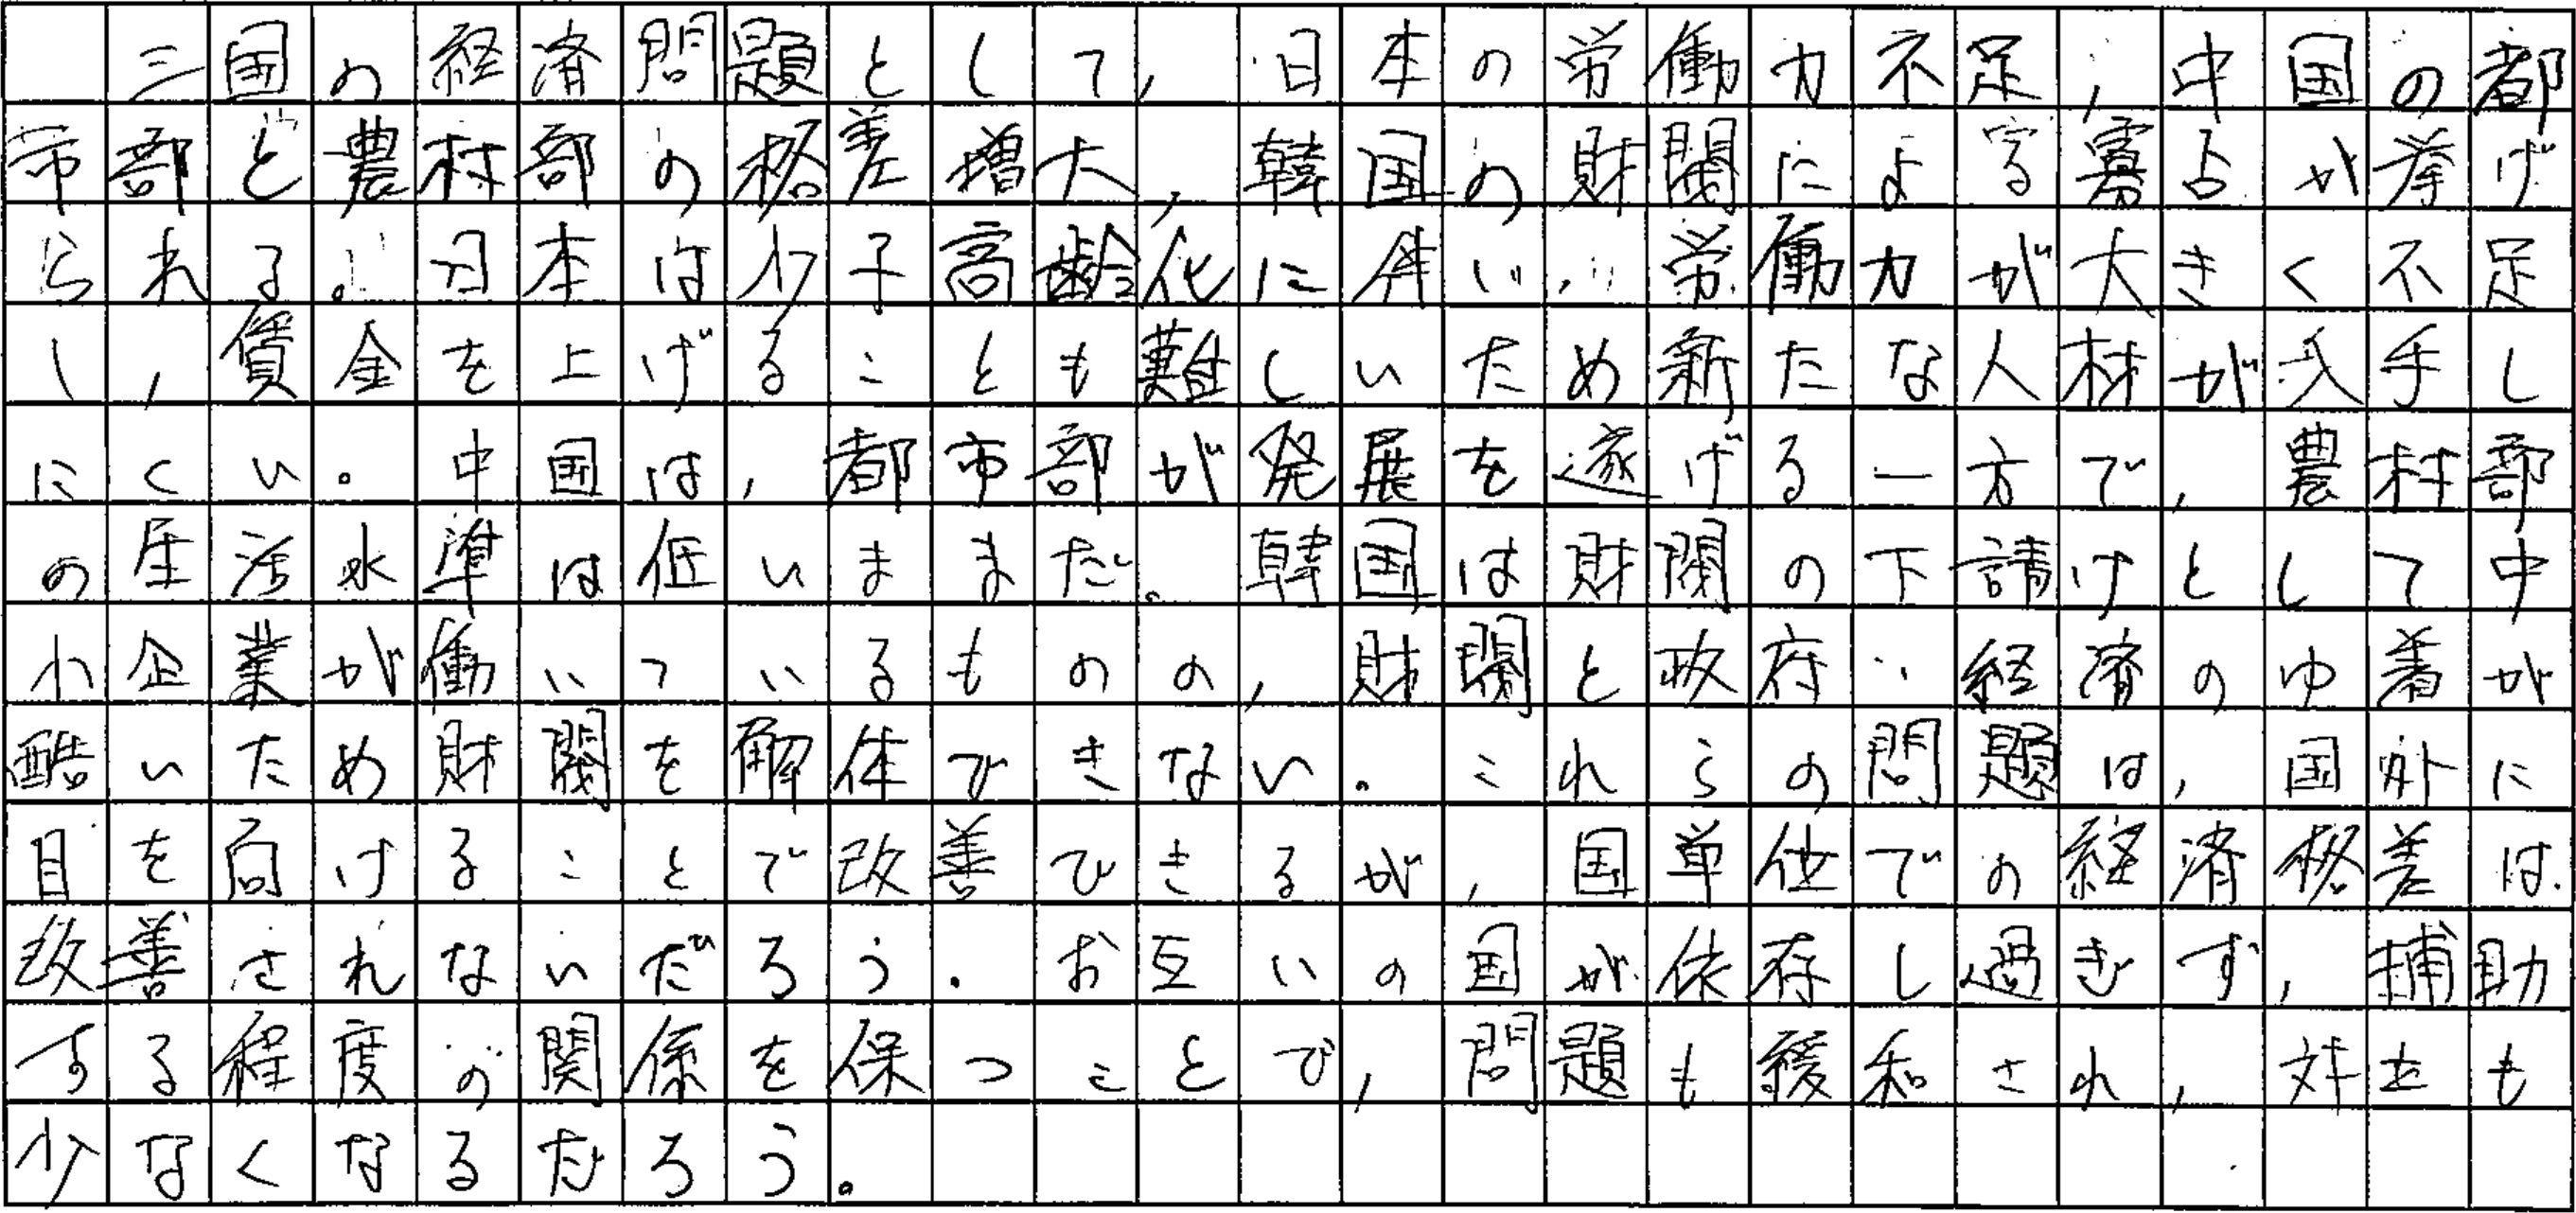　三国の経済問題として，日本の労働力不足，中国の都市部と農村部の格差増大，韓国の財閥による寡占が挙げられる。日本は少子高齢化に伴い，労働力が大きく不足し，賃金を上げることも難しいため新たな人材が入手しにくい。中国は，都市部が発展を遂げる一方で，農村部の生活水準は低いままだ。韓国は財閥の下請けとして中小企業が働いているものの，財閥と政府・経済のゆ着が酷いため財閥を解体できない。これらの問題は，国外に目を向けることで改善できるが，国単位での経済格差は改善されないだろう．お互いの国が依存し過ぎず，捕助する程度の関係を保つことで，問題も緩和され，対立も少なくなるだろう。
